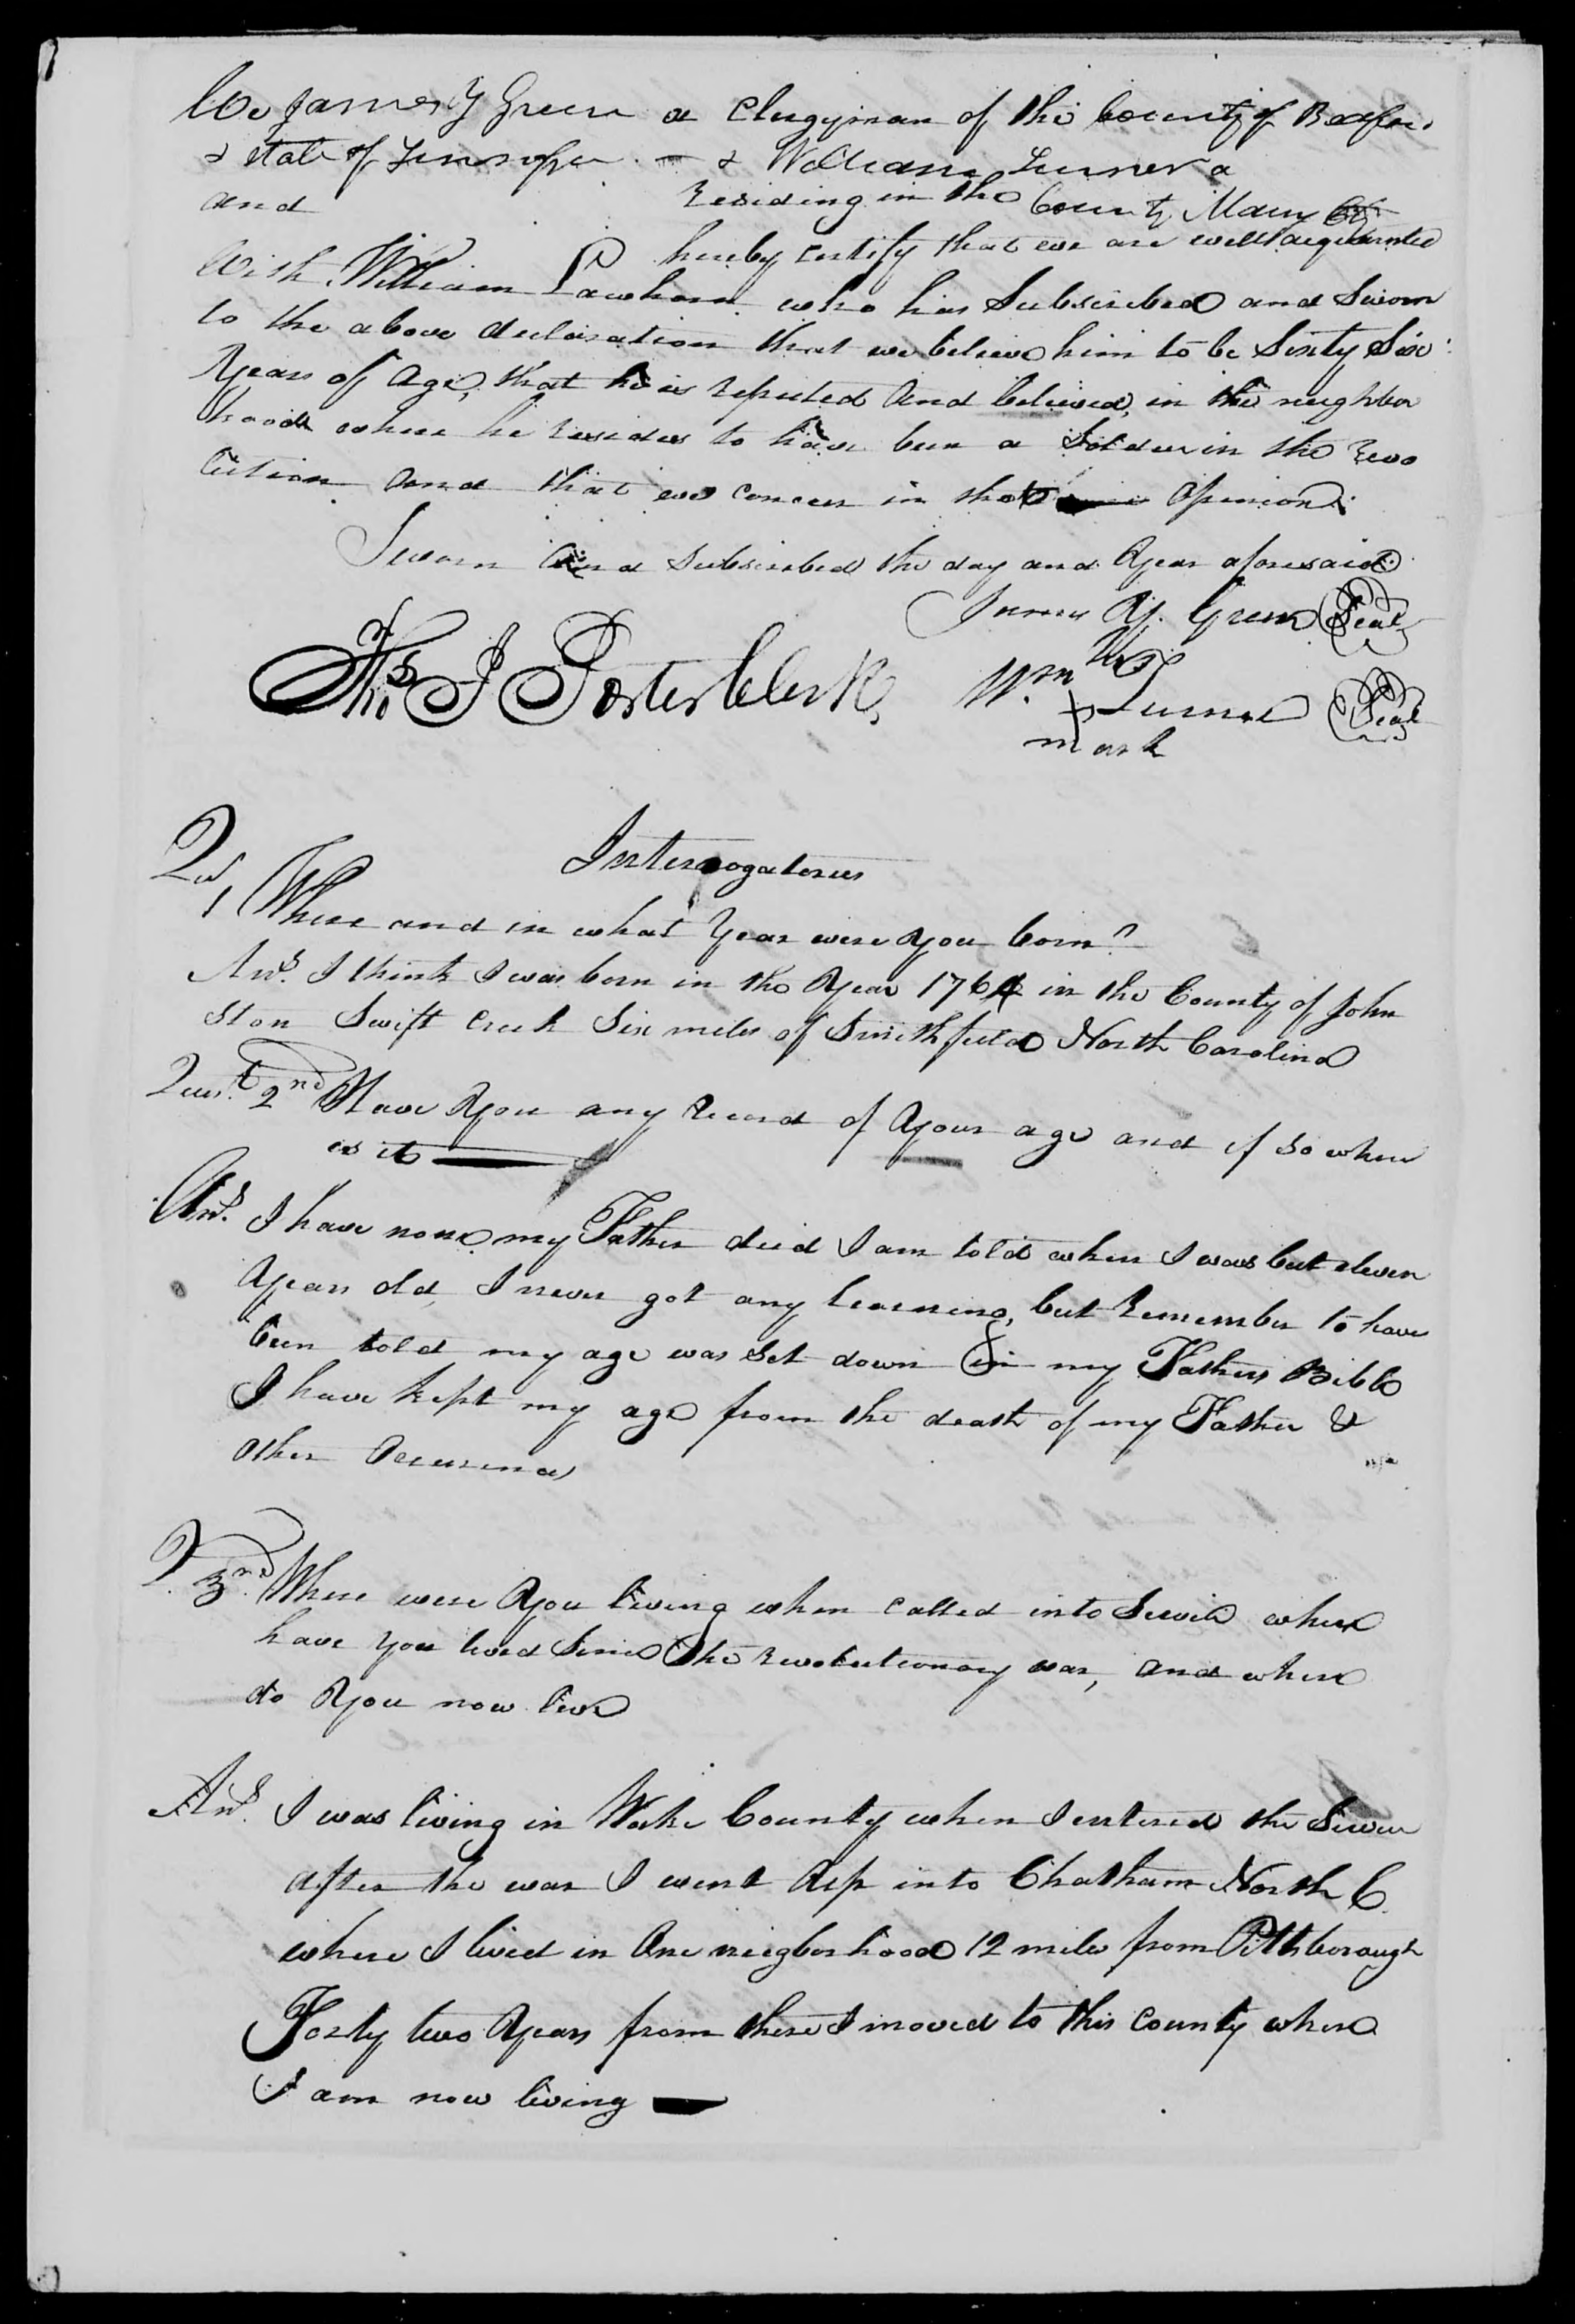James Y Green a clergyman of the county of Bedford & State of Tennessee & William Turner residing in the County of Maury hereby certify that we are well acquainted with William Lawhorn who has subscribed and sworn to the above declaration and we believe him to be sixty six years of age, that he is respected and believed in the neighborhood where he resides to have been a soldier in the revolution and that we concur in that opinion.
Sworn and subscribed the day and year aforesaid.
                    James Y. Green (seal)
                    William X Turner (seal)
                      (X his mark)

Thos. J. Porter Clerk

Interrogatories 
1st  Where and in what year were you born? 
Ans: I think I was born in the year 1764 in the County of Johnston Swift Creek 6 miles of 
Smithfield North Carolina 
2nd  Have you any record of your age and if so where is it? 
Ans: I have none. My father died I am told when I was but 11 years old, I never got any 
learning, but remember to have been told my age was set down in my Father's Bible. I have kept my age from the death of my Father & other occurrences. 
3rd  Where were you living when called into service: where have you lived since the 
Revolutionary War and where do you now live? 
Ans: I was living in Wake County when I entered the Service. After the war I went up 
into Chatham North Carolina where I live in one neighborhood twelve miles from Pittsboro 
forty-two years from thence I moved to this County where I am now living --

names: William Turner; James Y Green; William Lawhorn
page: 8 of 16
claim: survivor's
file: S 4506, for William Lawhorn, North Carolina